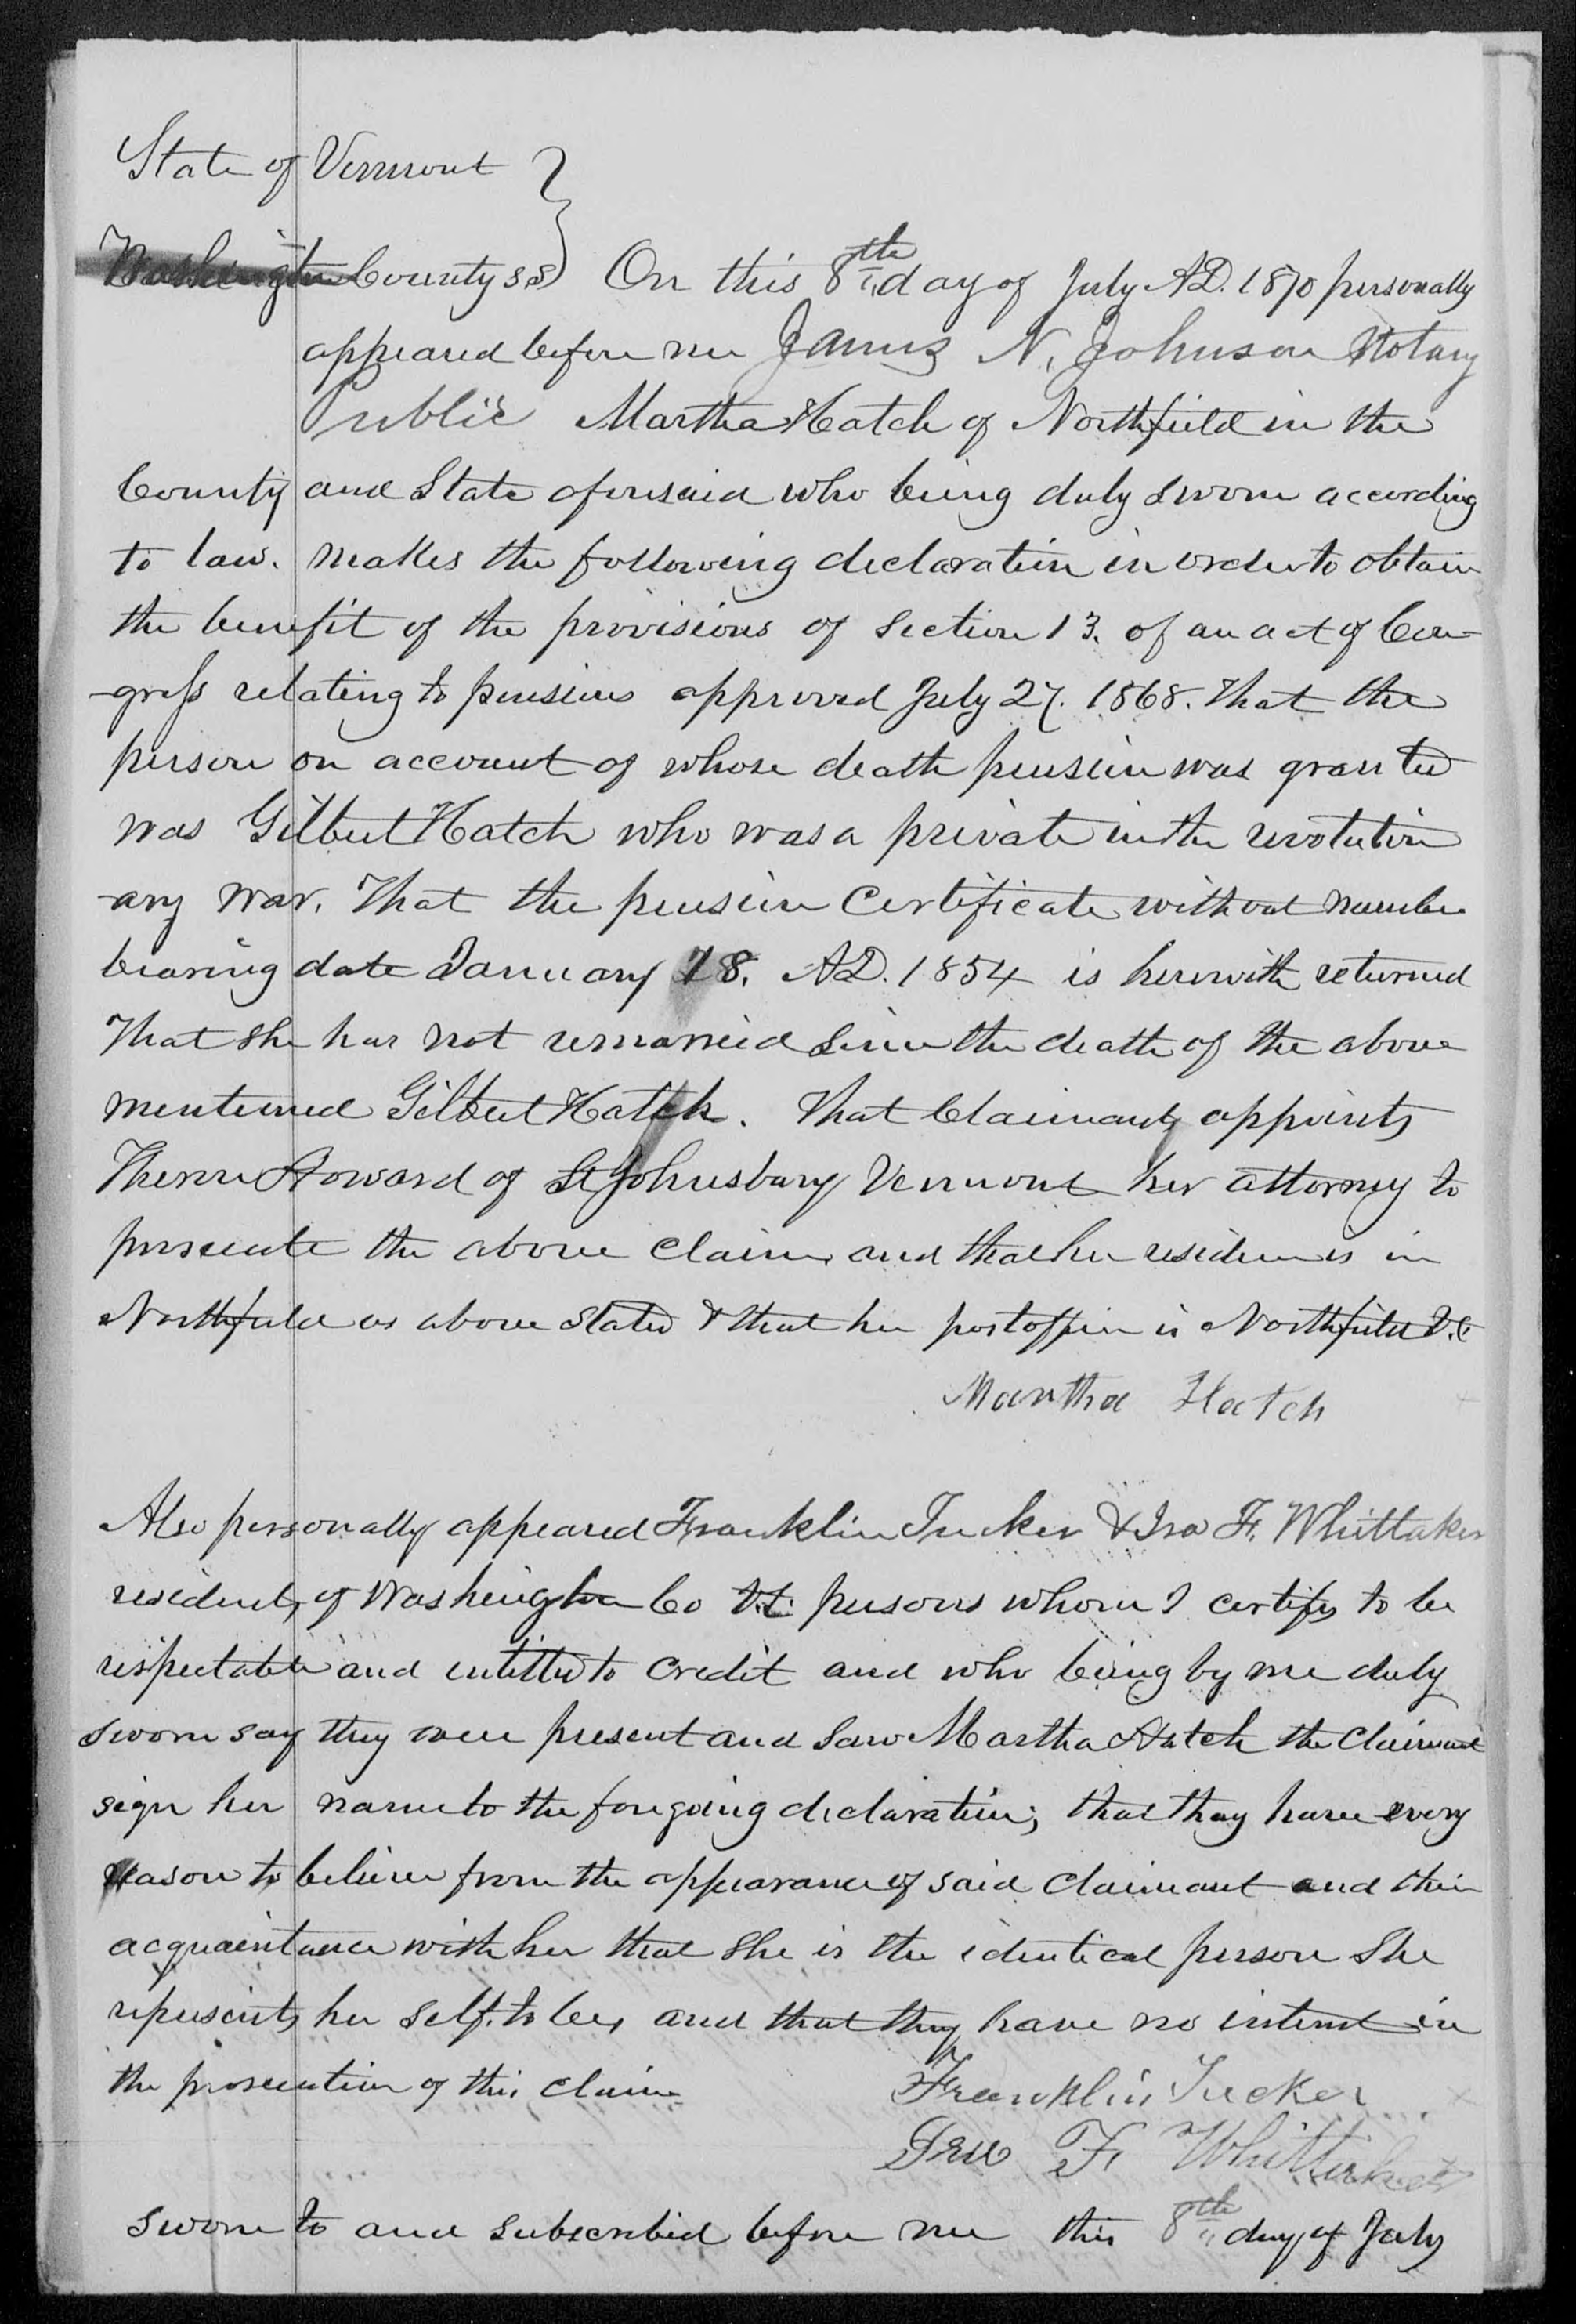State of Vermont
[name of county marked out] County SS}
On this 8th day of July AD. 1870 personally 
appeared before me Janus N. Johnson Notary Public Martha Hatch of Northfield in the County and State aforesaid who being duly sworn according to law makes the following declaration in order to obtain the benefit of the provisions of Section 13. of an act of Congress relating to pensions approved July 27, 1868.  That the person on account of whose death pension was granted was Gilbert Hatch who was a private with revolutionary war.  That the pension certificate without number bearing date January 18, AD. 1854 is herewith returned That she has not remarried since the death of the above mentioned Gilbert Hatch.  That claimant appoints Henri Howard of St Johnsbury Vermont her attorney to prosecute the above claim and that her residence is in Northfield as above stated & that her post office is Northfield Vt. Martha Hatch

Also personally appeared Franklin Tucker & Ira f. Whittaker residents of Washington Co Vt persons whom I certify to be respectable and entitled to credit and who being by me duly sworn say they were present and saw Martha Hatch the claimant sign her name to the foregoing declaration; that they have every reason to believe from the appearance of said claimant and their acquaintance with her that she is the identical person  She represents her self to be and  that they have no interest in the prosecution of this claim
Franklin Tucker
Ira F Whittaker

Sworn to and Subscribed before me this 8th day of July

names: Ira F Whittaker, Franklin Tucker, Martha Hatch, Franklin Tucker, Ira F Whittaker, Gilbert Hatch, James N Johnson, Martha Hatch, Gilbert Hatch, Martha Hatch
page: 30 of 47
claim: widow's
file: W. 225, Gilbert Hatch, Conn.